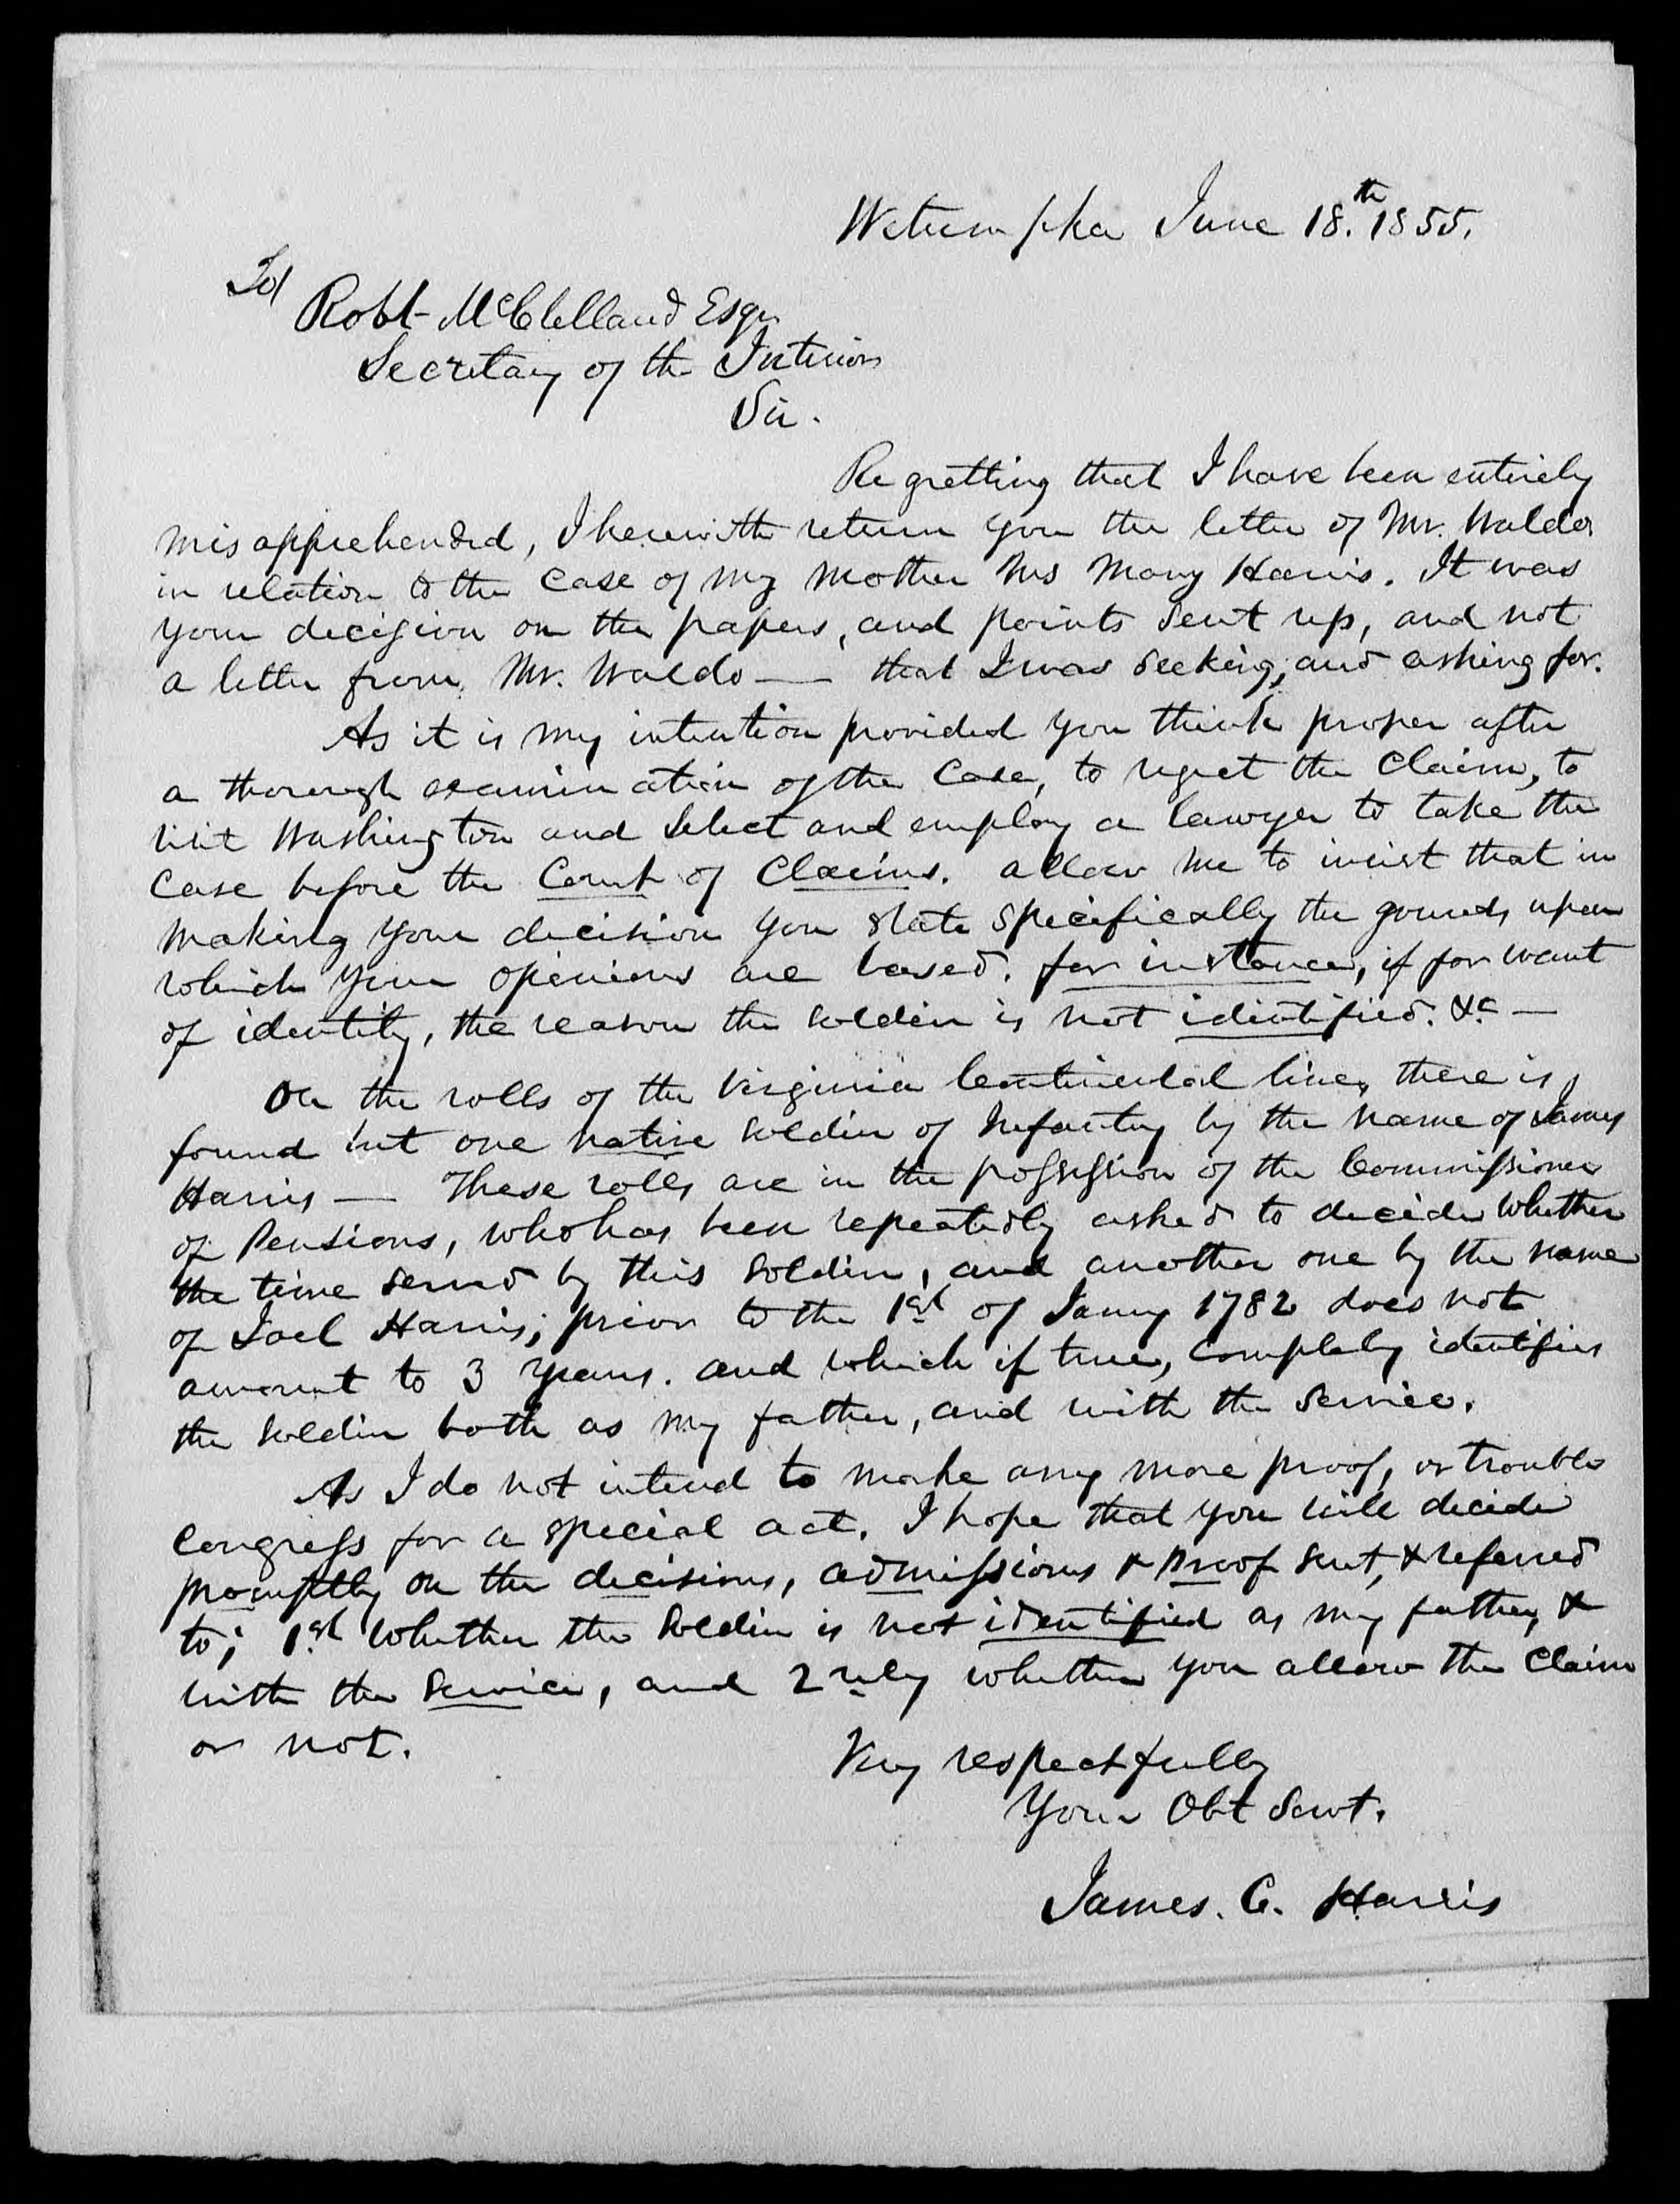Wetumpka June 18th 1855
To/ Robt McClelland Esqr
Secretary of the Interior
Sir
Regretting that I have been entirely misapprehended, I herewith return you the letter of Mr. Waldo in relation to the case of my mother Mrs Mary Harris.  It was your decision on the papers, and points sent up, and not a letter from Mr Waldo--that I was seeking, and asking for.
As it is my intention, provided you think proper after a thorough examination of the case to reject the claim, to visit Washington and select and employ a lawyer to take the case before the Court of Claims.  Allow me to insist that in making your decision you state specifically the grounds upon which your opinions are based, for instance, if for want of identity, the reason the soldier is not identified, &c.
On the rolls of the Virginia Continental line, there is found but one native soldier of Infantry by the name of James Harris -- These rolls are in the possession of the Commissioner of Pensions, who has bee repeatedly asked to decide whether the time served by this soldier, and another one by the name of Joel Harris, prior to the 1st of Jany 1782 does not amount to 3 years, and which if true, completely identifies the soldier both as my father, and with the service.
As I do not intend to make any more proof, or trouble Congress for a special act, I hope that you will decide promptly on the decision, admission & proof sent, & referred to; 1st whether the soldier is not identified as my father, & with the service, and 2ndly whether you allow this claim or not.
Very respectfully
Your Obt Servt
James C. Harris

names: Waldo, James Harris, Mary Harris, Joel Harris, Robt Mc Clelland, Waldo, James C Harris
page: 82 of 160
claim: rejected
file: R. 4666, James Harris, Va.